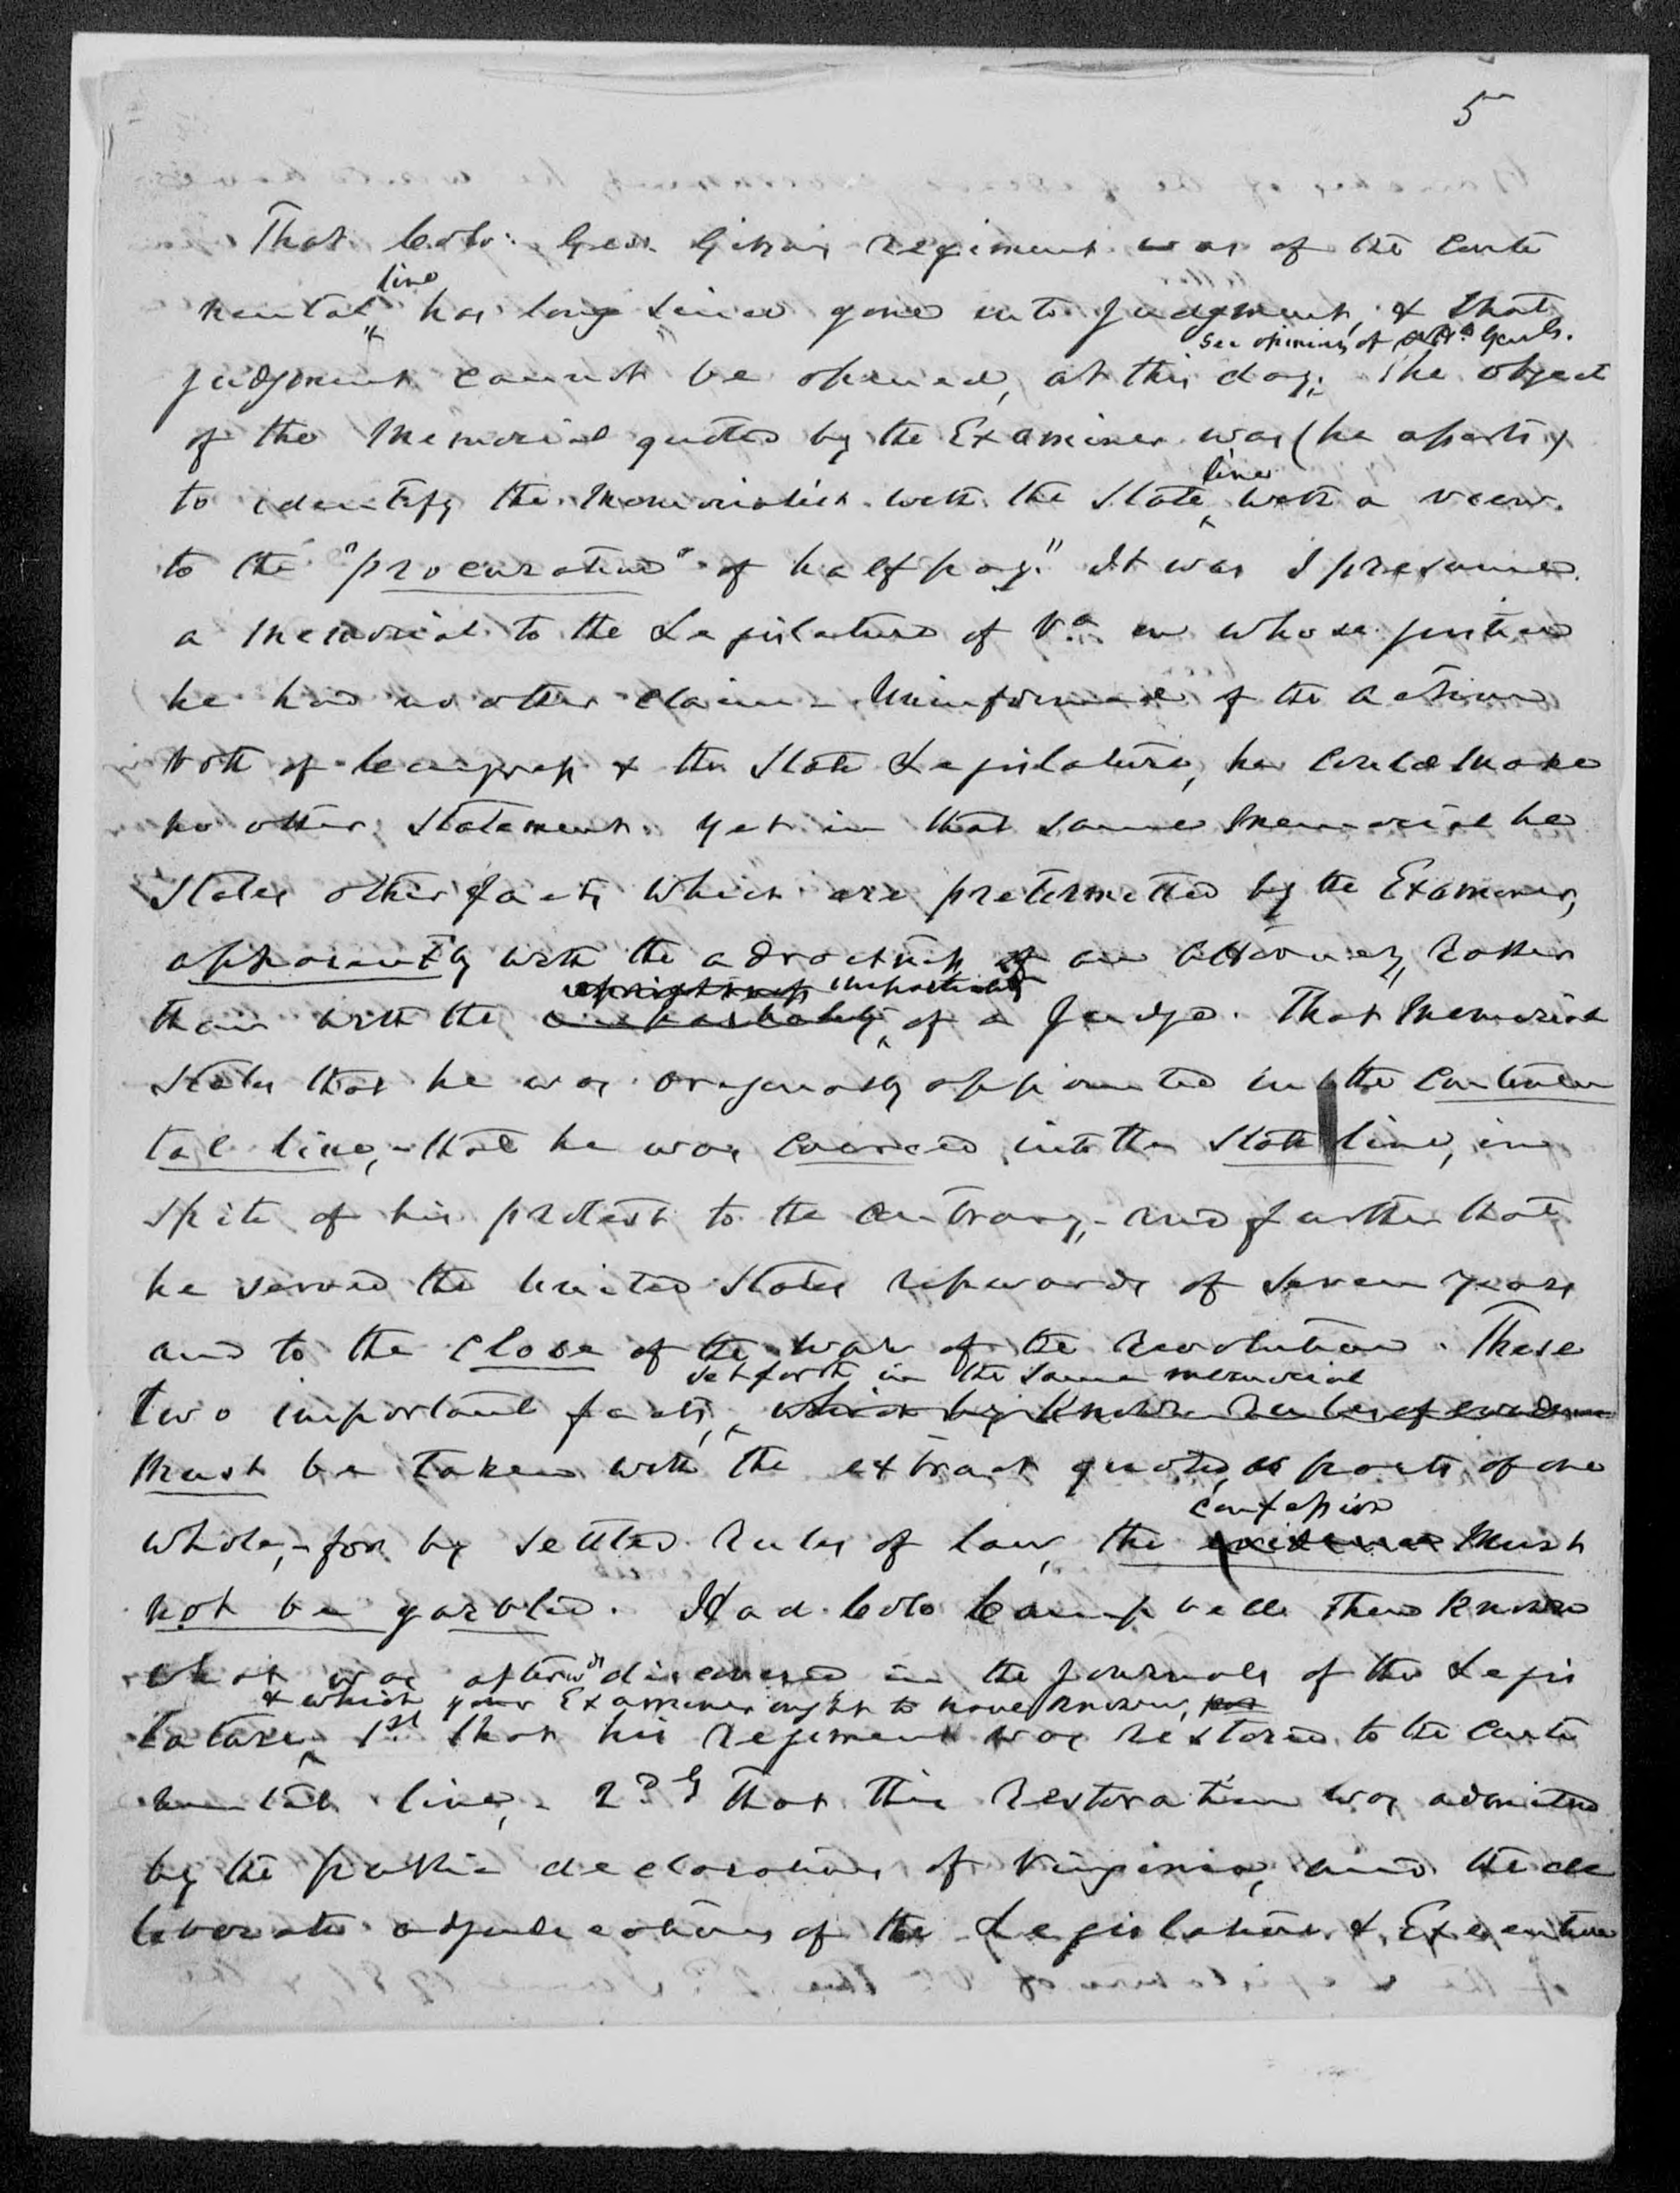That Colo: Gren. Givans regiment was of the Continental line has long since gone into Judgement, & that Judgement cannot be obtained, at this day; See opinions Att'o Genl. The object of the Memorial quoted by the Examiner was (he asserts) to identify the Memorialist with the State line was a view to the "procurative" of half pay." It was I presumed, a Memorial to the Legislature of Va on whose parties he had no other claim - [?] forward of the action both of Congress & the State Legislature, he could make no other statement, yet in that same Memorial he States other facts which are pretermitted by Examiner, apparently with the adroitness of an attorney, rather than with the impartiality of a Judge. That Memorial states that he was originally appointed in the Continental line, - that he was Coerced, in the State line, in spite of his protest to the contrary, - and further that he served the United States upwards of seven years, and to the close of the war of the revolution. These two important facts set forth in the same Memorial must be taken with the extract quoted as parts of one whole, - for by settled rules of law, the confession must not be garbled. Had Colo Campbell then known what was afterward incurred in the journals of the Legislature & which your Examiner ought to have known, 1st that his regiment was restored to the Continental line, 2dly that this restoration was admitted by the public declaration, of Virginia, and the deliberate  adjudications of the Legislature & Executive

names: Campbell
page: 227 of 267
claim: widow's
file: W. 4,149, William Campbell, Va.